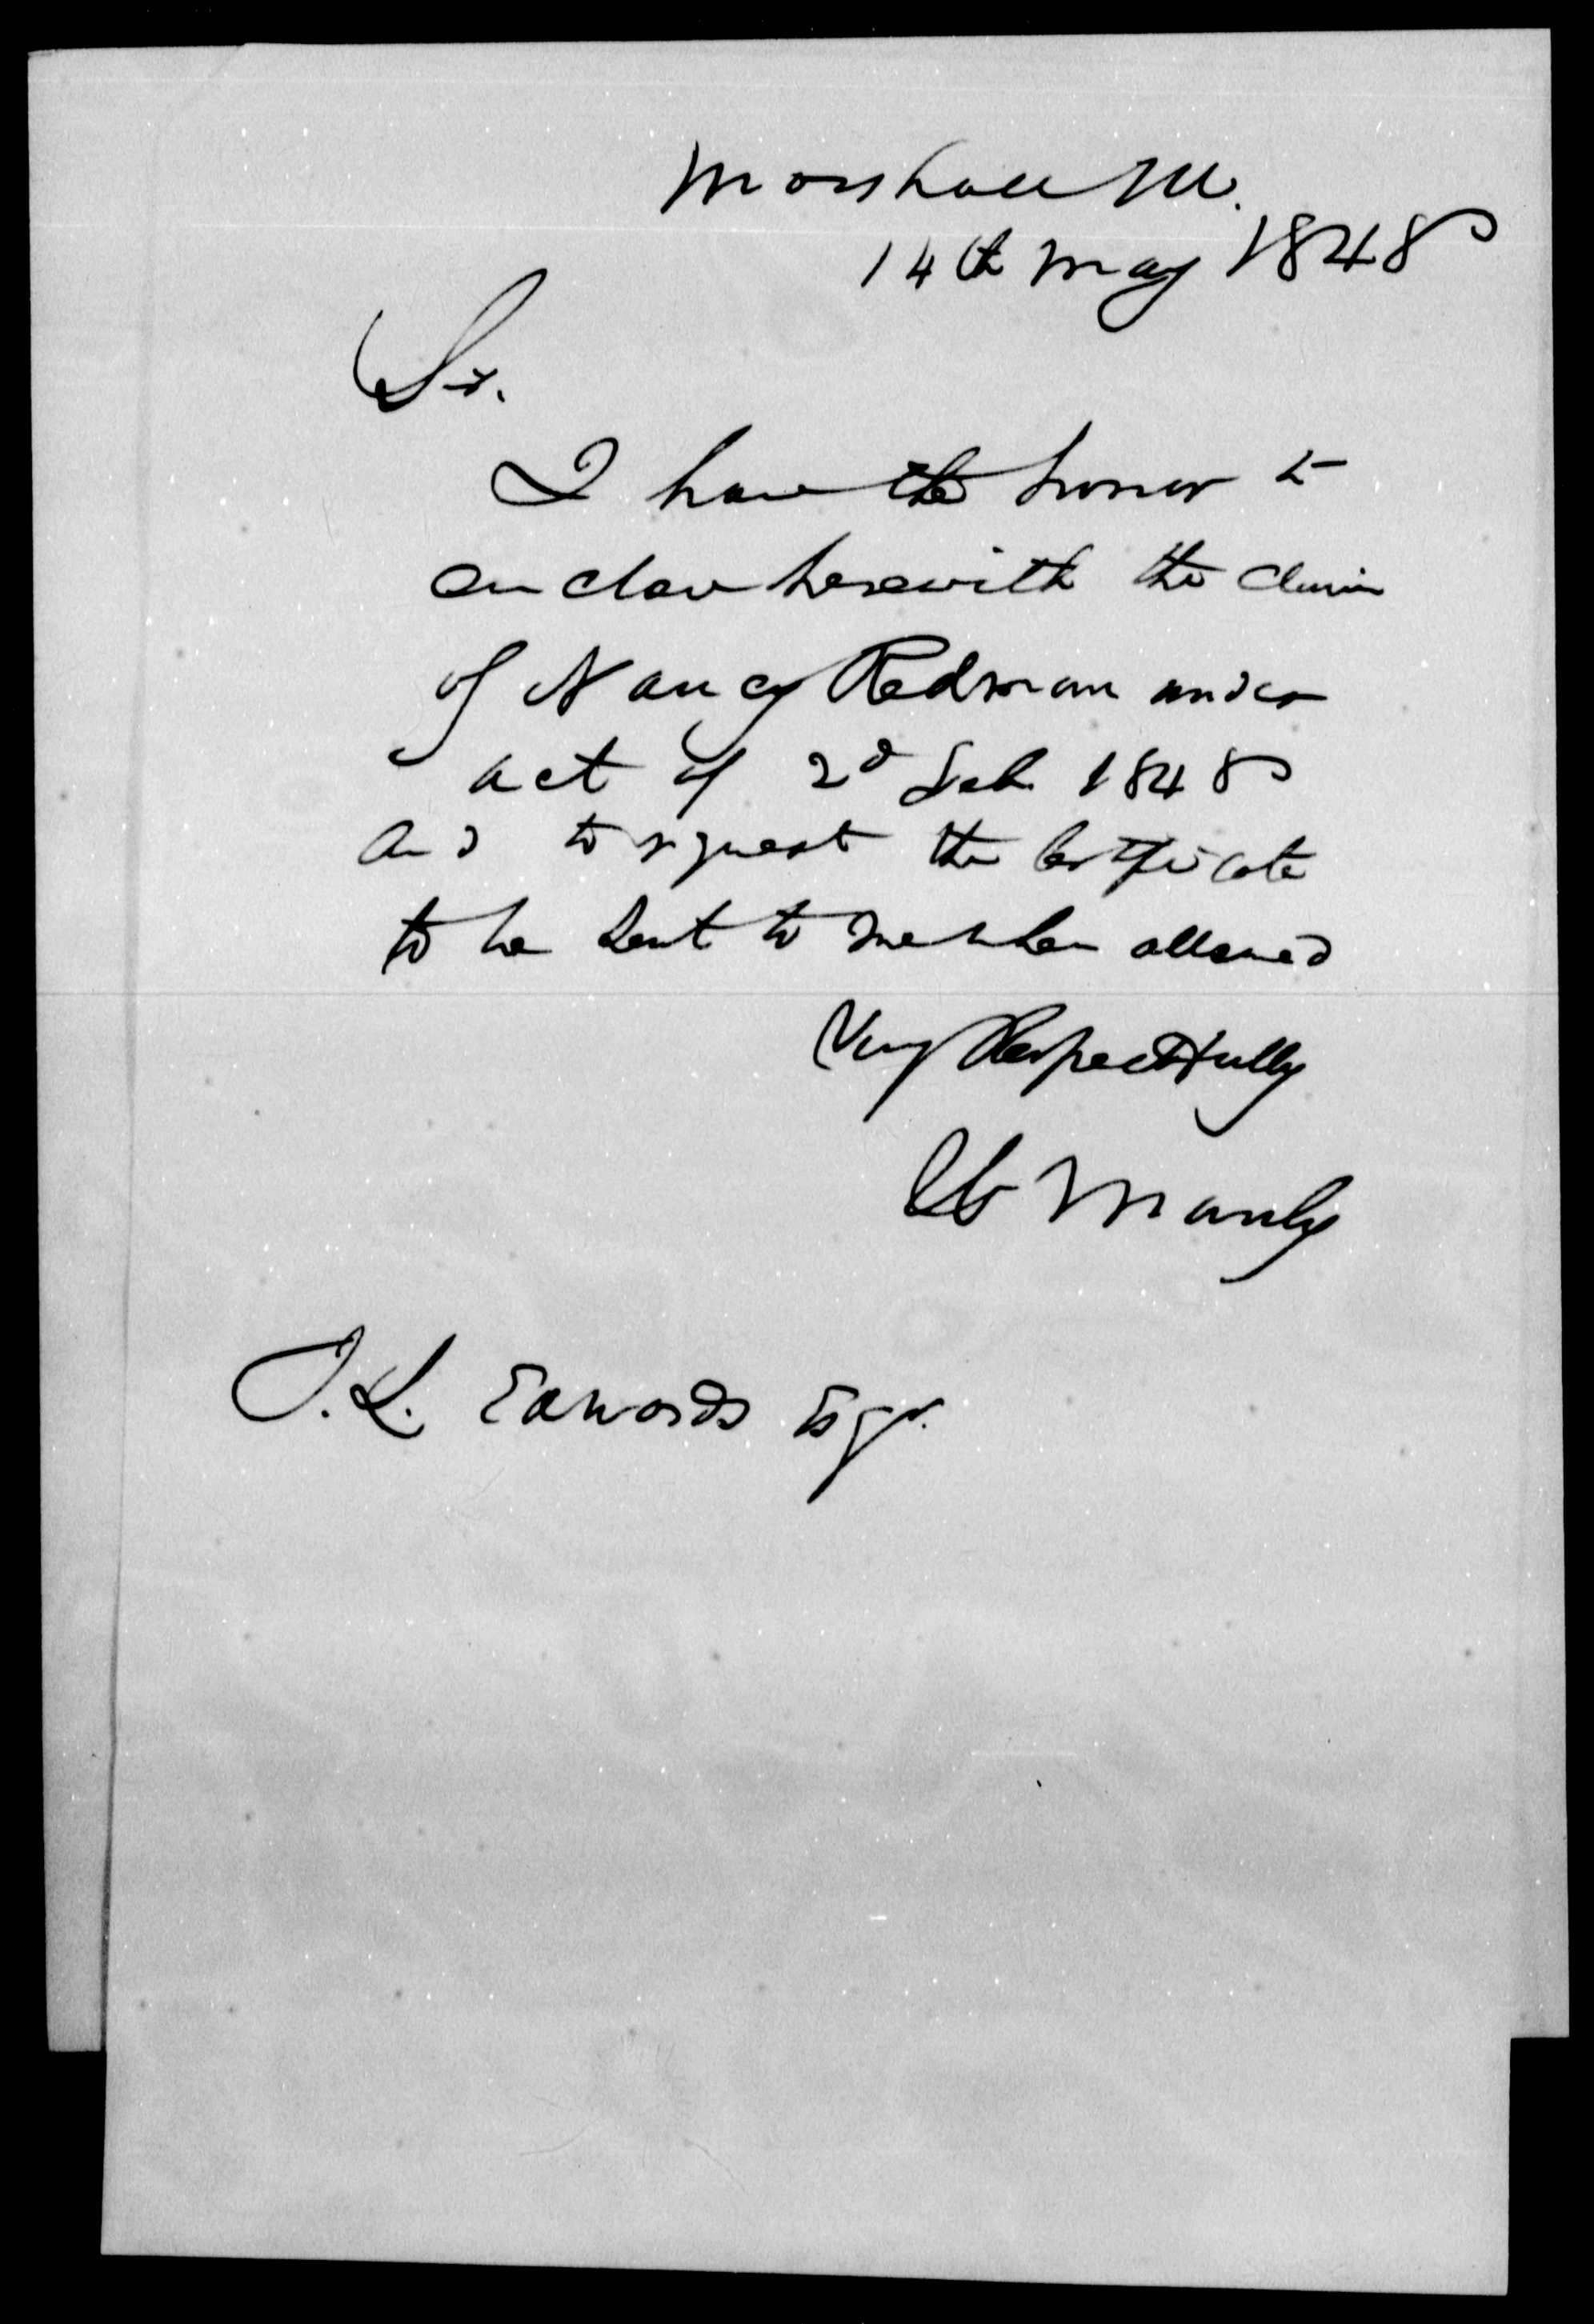Marshall [NC.?]
14th May 1848

Sir,
I have the honor to enclose herewith the claim of Nancy Redman under act of 2d Feb 1848 and to request the certificate to be sent to me when allowed.
Very Respectfully
U Manly

J.L. Edwards Esqr.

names: J L Edwards; Nancy Redman; W Manly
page: 38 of 57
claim: widow's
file: W. 9,622, for Aaron Redman, Virginia